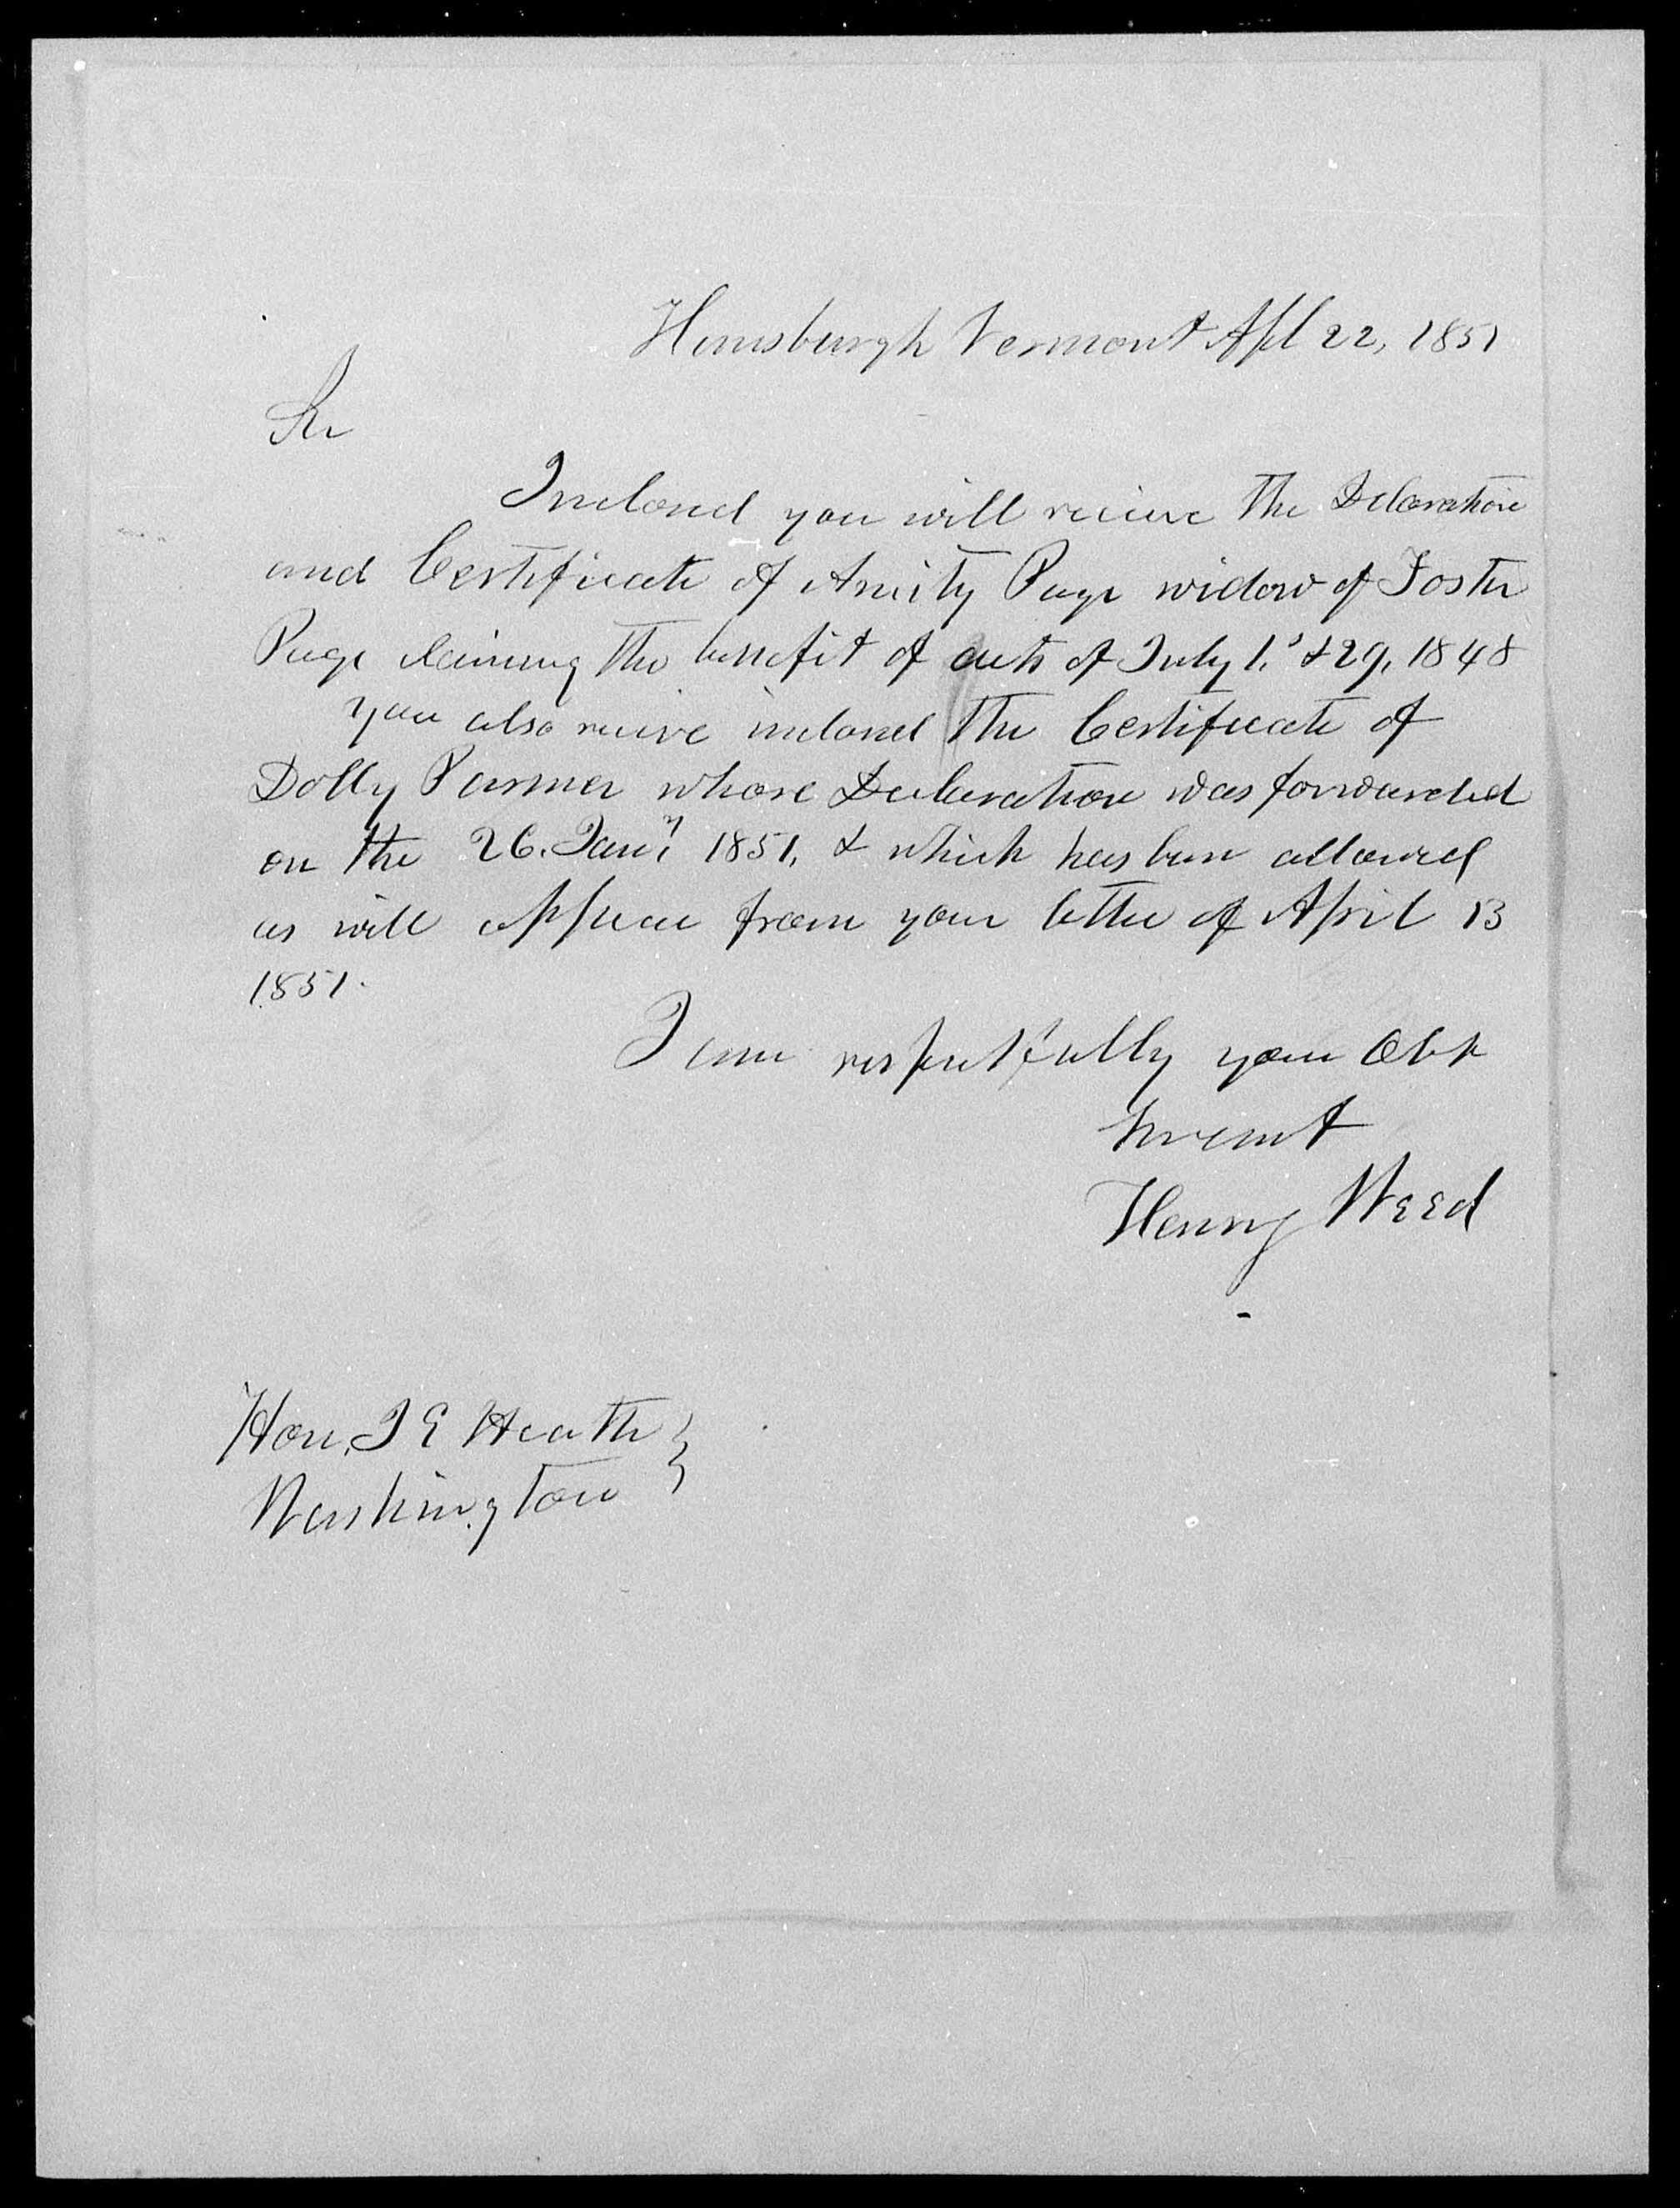Hinesburgh Vermont Apl 22, 1851
Sir
Inclosed you will receive the Declaration
and Certificate of Amity Page widow of Foster
Page claiming the benefit of act of July 1, & 29, 1848
you also recive inclosed the Certificate of
Dolly Parmer whose declaration was forwarded
on the 26. Jany 1851, & which has been allowed
as will appear from your letter of April 13
1851.
I am respectfully your obt
servant
Henry Weed
Hon. J E Heath
Washington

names: Dolly Parmer; J E Heath; Foster Page; Henry Weed; Amity Page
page: 37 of 40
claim: widow's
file: W. 15168, for Foster Paige, Massachusetts